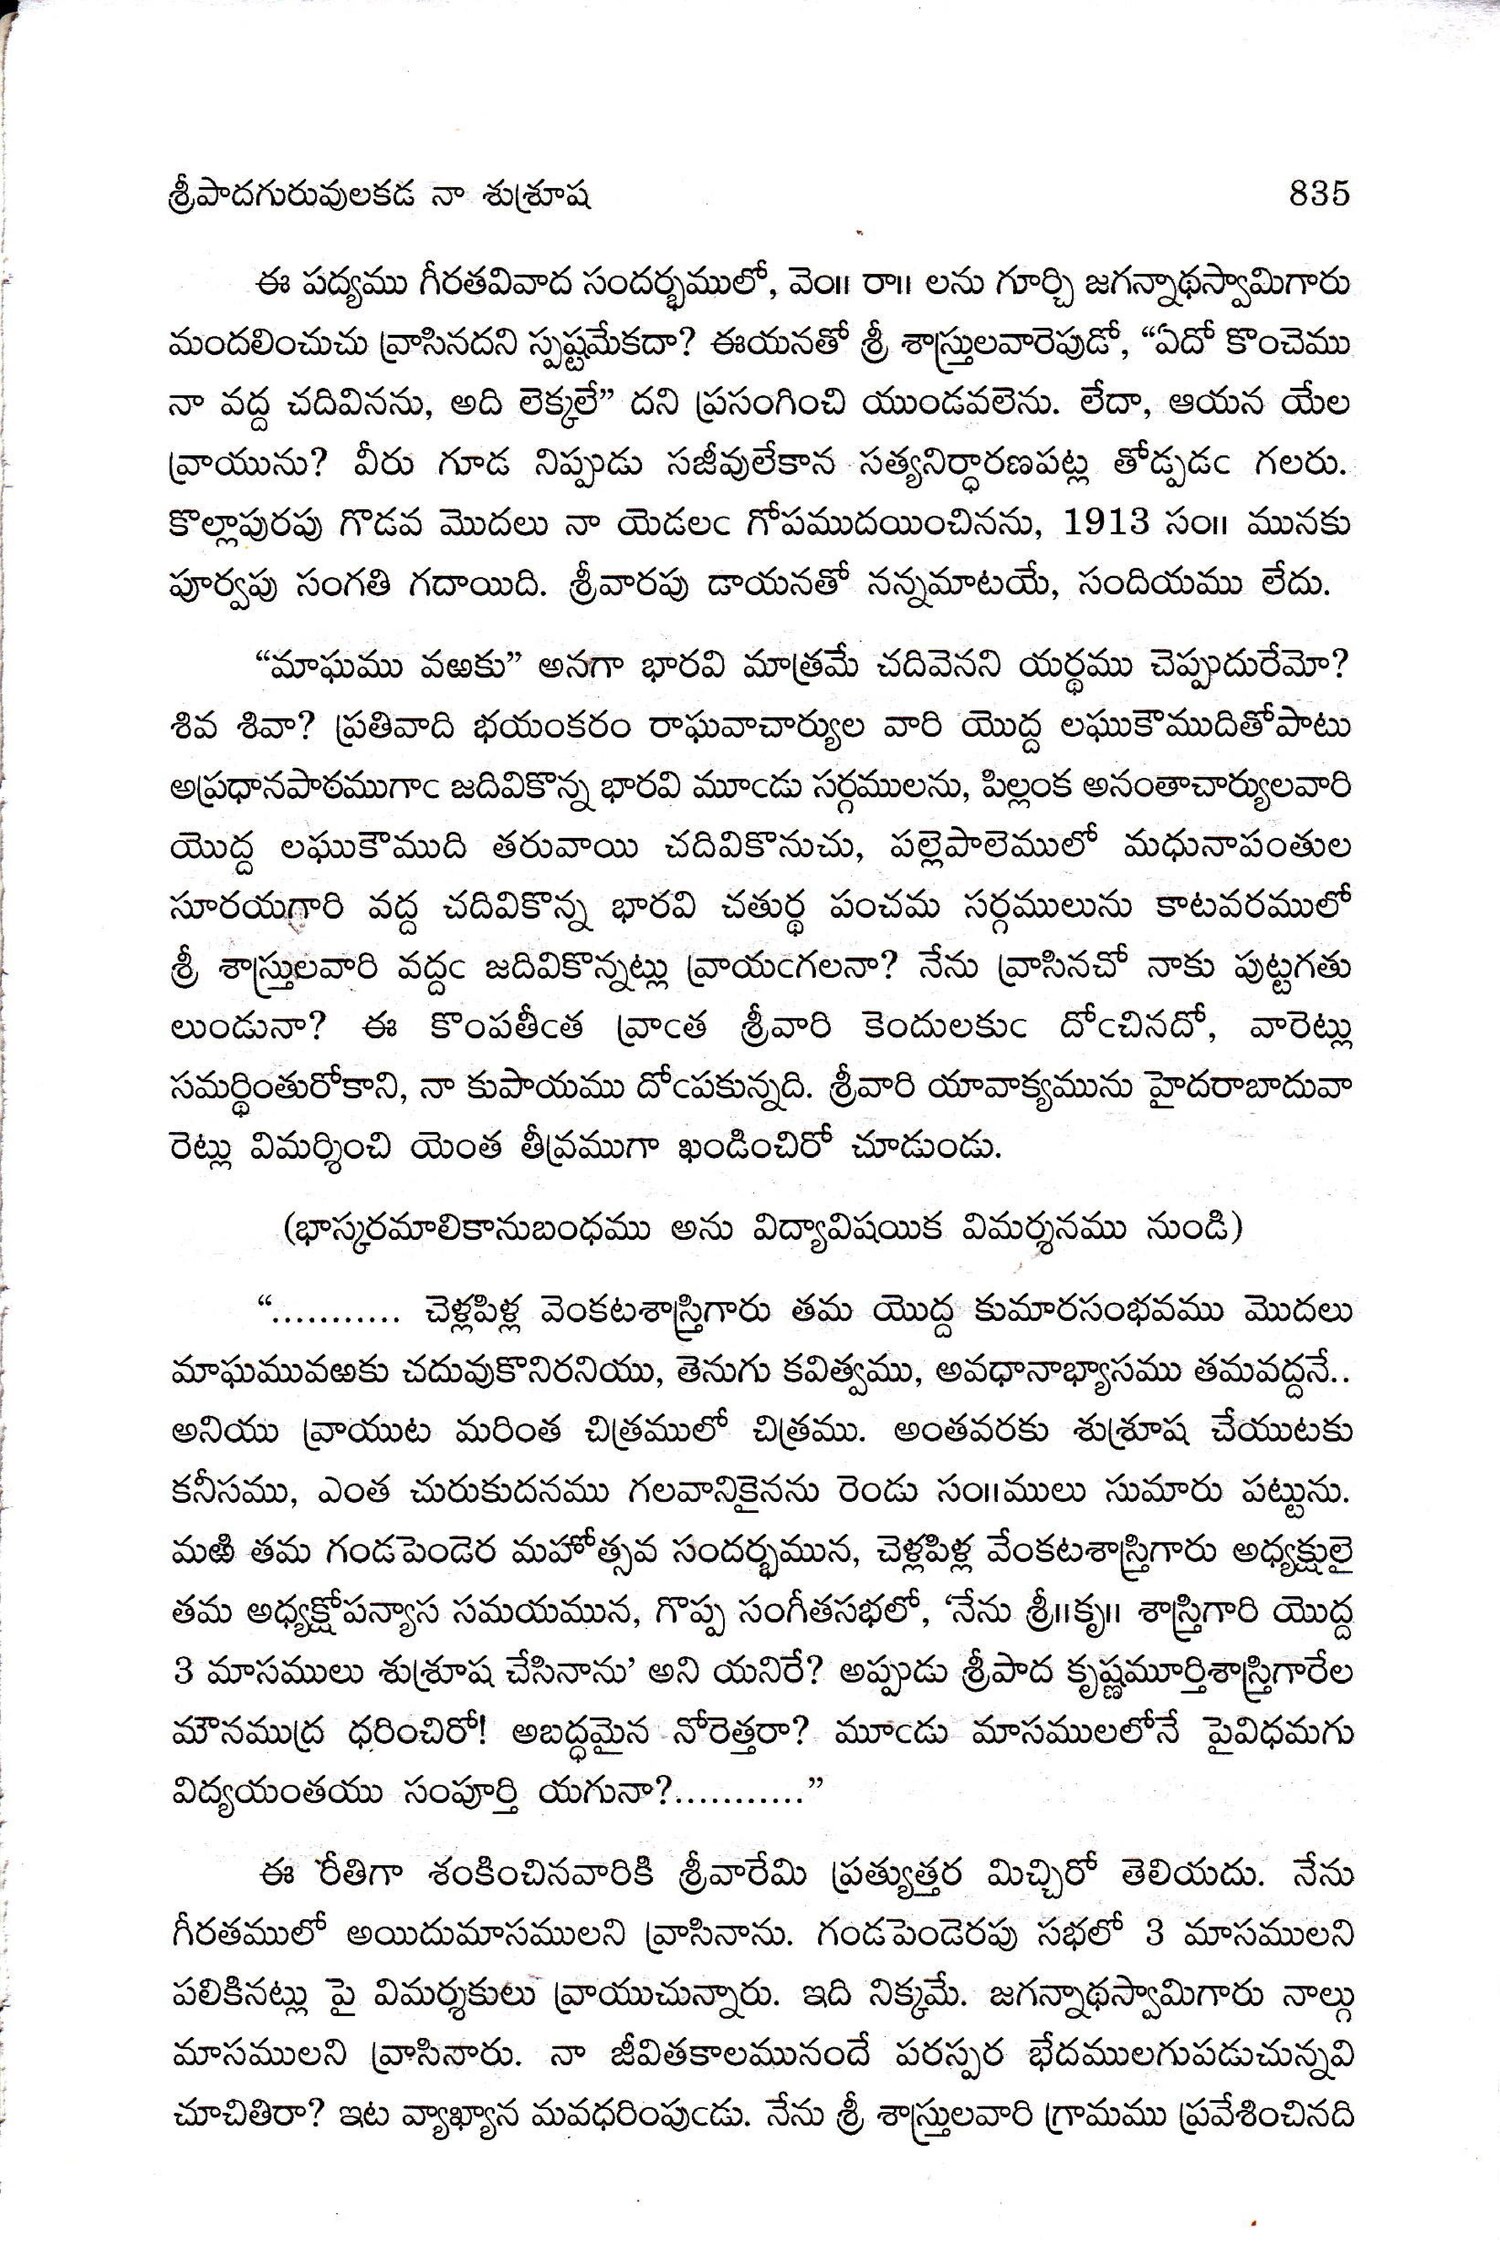ఈ పద్యము గీరతవివాద సందర్భములో, వెం|| రా|| లను గూర్చి జగన్నాథస్వామిగారు మందలించుచు వ్రాసినదని స్పష్టమేకదా? ఈయనతో శ్రీ శాస్త్రులవారెపుడో, "ఏదో కొంచెము నా వద్ద చదివినను, అది లెక్కలే" దని ప్రసంగించి యుండవలెను. లేదా, ఆయన యేల వ్రాయును? వీరు గూడ నిప్పుడు సజీవులేకాన సత్యనిర్ధారణపట్ల తోడ్పడఁ గలరు. కొల్లాపురపు గొడవ మొదలు నా యెడలఁ గోపముదయించినను, 1913 సం|| మునకు పూర్వపు సంగతి గదాయిది. శ్రీవారపు డాయనతో నన్నమాటయే, సందియము లేదు.

"మాఘము వఱకు" అనగా భారవి మాత్రమే చదివెనని యర్ధము చెప్పదురేమో? శివ శివా? ప్రతివాది భయంకరం రాఘవాచార్యుల వారి యొద్ద లఘుకౌముదితోపాటు అప్రధానపాఠముగాఁ జదివికొన్న భారవి మూఁడు సర్గములను, పిల్లంక అనంతాచార్యులవారి యొద్ద లఘుకౌముది తరువాయి చదివికొనుచు, పల్లెపాలెములో మధునాపంతుల సూరయగారి వద్ద చదివికొన్న భారవి చతుర్ధ పంచమ సర్గములును కాటవరములో శ్రీ శాస్త్రులవారి వద్దఁ జదివికొన్నట్లు వ్రాయఁగలనా? నేను వ్రాసినచో నాకు పుట్టగతు లుండునా? ఈ కొంపతీఁత వ్రాఁత శ్రీవారి కెందులకుఁ దోఁచినదో, వారెట్లు సమర్థింతురోకాని, నా కుపాయము దోఁపకున్నది. శ్రీవారి యావాక్యమును హైదరాబాదువా రెట్లు విమర్శించి యెంత తీవ్రముగా ఖండించిరో చూడుండు.

“........... చెళ్లపిళ్ల వెంకటశాస్త్రిగారు తమ యొద్ద కుమారసంభవము మొదలు మాఘమువఱకు చదువుకొనిరనియు, తెనుగు కవిత్వము, అవధానాభ్యాసము తమవద్దనే.. అనియు వ్రాయుట మరింత చిత్రములో చిత్రము. అంతవరకు శుశ్రూష చేయుటకు కనీసము, ఎంత చురుకుదనము గలవానికైనను రెండు సం||ములు సుమారు పట్టును. మఱి తమ గండపెండెర మహోత్సవ సందర్భమున, చెళ్లపిళ్ల వేంకటశాస్త్రిగారు అధ్యక్షులై తమ అధ్యక్షోపన్యాస సమయమున, గొప్ప సంగీతసభలో, 'నేను శ్రీ||కృ|| శాస్త్రిగారి యొద్ద 3 మాసములు శుశ్రూష చేసినాను’ అని యనిరే? అప్పుడు శ్రీపాద కృష్ణమూర్తిశాస్త్రిగారేల మౌనముద్ర ధరించిరో అబద్ధమైన నోరెత్తరా? మూఁడు మాసములలోనే పైవిధమగు విద్యయంతయు సంపూర్తి యగునా?........... "

ఈ రీతిగా శంకించినవారికి శ్రీవారేమి ప్రత్యుత్తర మిచ్చిరో తెలియదు. నేను గీరతములో అయిదుమాసములని వ్రాసినాను. గండపెండెరపు సభలో 3 మాసములని పలికినట్లు పై విమర్శకులు వ్రాయుచున్నారు. ఇది నిక్కమే. జగన్నాథస్వామిగారు నాల్గు మాసములని వ్రాసినారు. నా జీవితకాలమునందే పరస్పర భేదములగుపడుచున్నవి చూచితిరా? ఇట వ్యాఖ్యాన మవధరింపుఁడు. నేను శ్రీ శాస్త్రులవారి గ్రామము ప్రవేశించినది